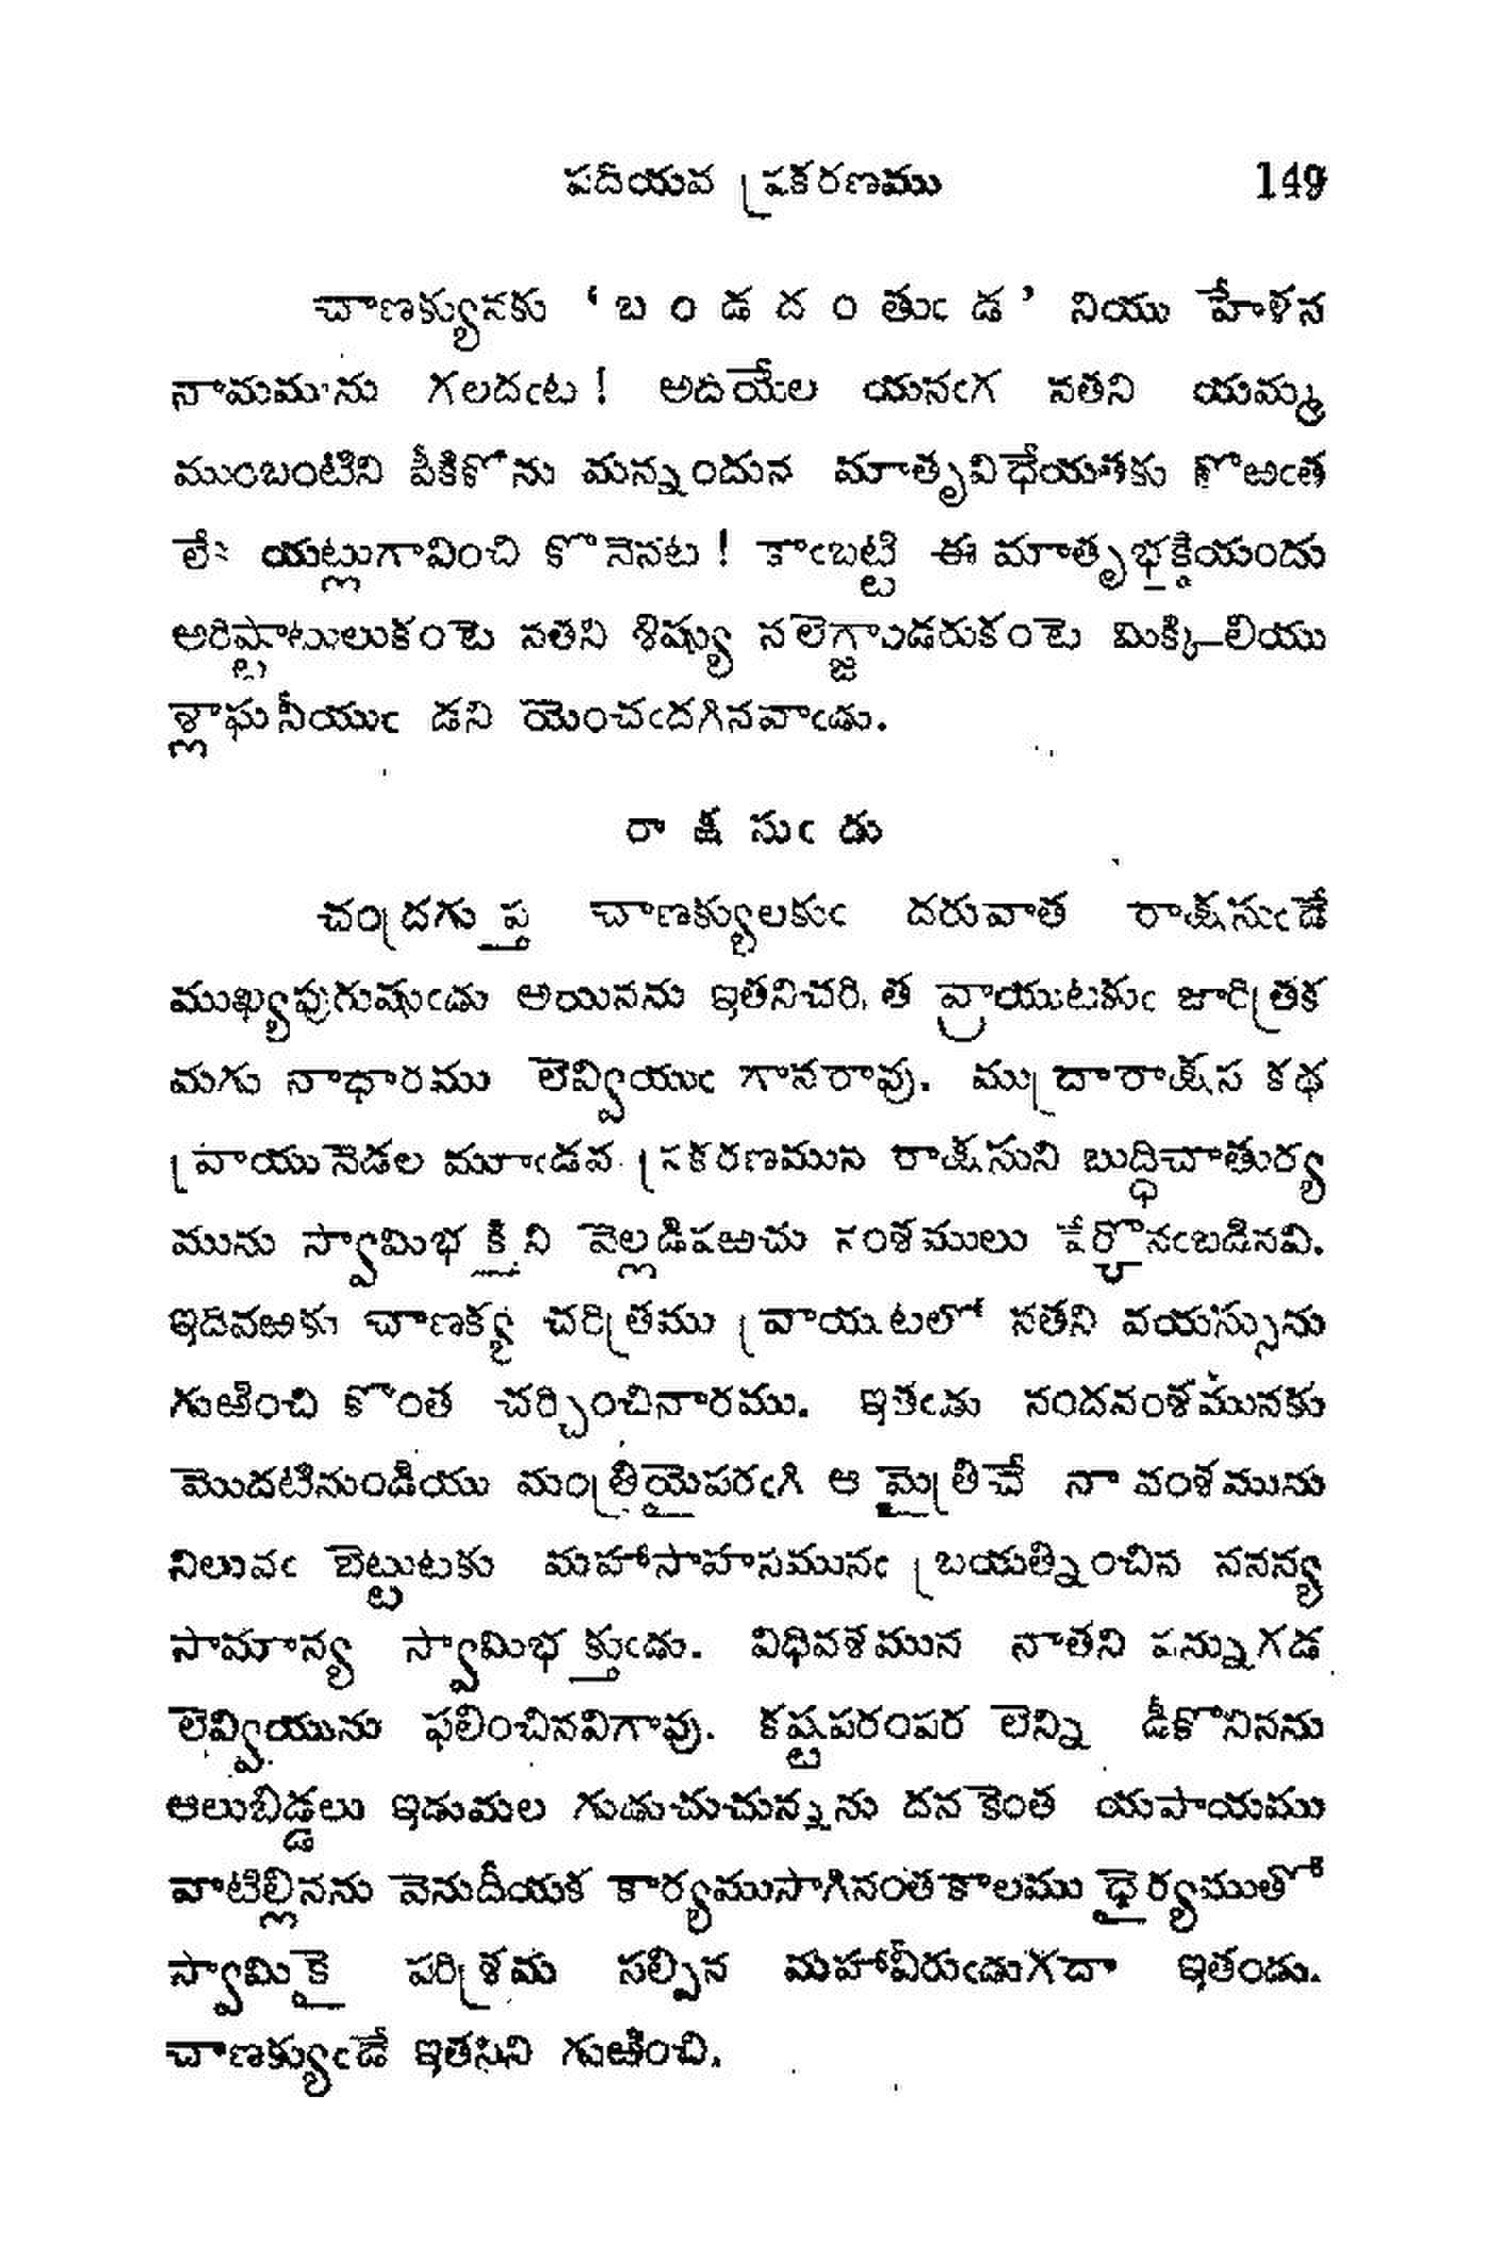చాణక్యునకు 'బండదంతుఁడ' నియు హేళన నామమును గలదఁట! అదియేల యనఁగ నతని యమ్మ ముంబంటిని పీకికొను మన్నందున మాతృవిధేయతకు కొఱఁత లేక యట్లుగావించి కొనెనట! కాఁబట్టి ఈ మాతృభక్తియందు అరిష్టాటులుకంటె నతని శిష్యు నలెగ్జాండరుకంటె మిక్కిలియు శ్లాఘనీయుఁ డని యెంచఁదగినవాఁడు. ..

రాక్షసుఁడు 

చంద్రగుప్త చాణక్యులకుఁ దరువాత రాక్షసుఁడే ముఖ్యపురుషుఁడు అయినను ఇతనిచరిత్ర వ్రాయుటకుఁ జారిత్రక మగు నాధారము లెవ్వియుఁ గానరావు, ముద్రారాక్షస కథ వ్రాయునెడల మూఁడవ ప్రకరణమున రాక్షసుని బుద్దిచాతుర్యమును స్వామిభక్తిని వెల్లడిపఱచు నంశములు పేర్కొనఁబడినవి. ఇదివఱకు చాణక్య చరిత్రము వ్రాయుటలో నతని వయస్సును గుఱించి కొంత చర్చించినారము. ఇతఁడు నందవంశమునకు మొదటినుండియు మంత్రియైపరఁగి ఆ మైత్రిచే నా వంశమును నిలువఁ బెట్టుటకు మహాసాహసమునఁ బ్రయత్నించిన ననన్య సామాన్య స్వామిభక్తుఁడు. విధివశమున నాతని పన్నుగడ లెవ్వియును ఫలించినవిగావు. కష్టపరంపర లెన్ని డీకొనినను ఆలుబిడ్డలు ఇడుమల గుడుచుచున్నను దనకెంత యపాయము వాటిల్లినను వెనుదీయక కార్యముసాగినంతకాలము ధైర్యముతో
స్వామికై పరిశ్రమ సల్పిన మహావీరుఁడుగదా ఇతండు. చాణక్యుఁడే ఇతనిని గుఱించి.